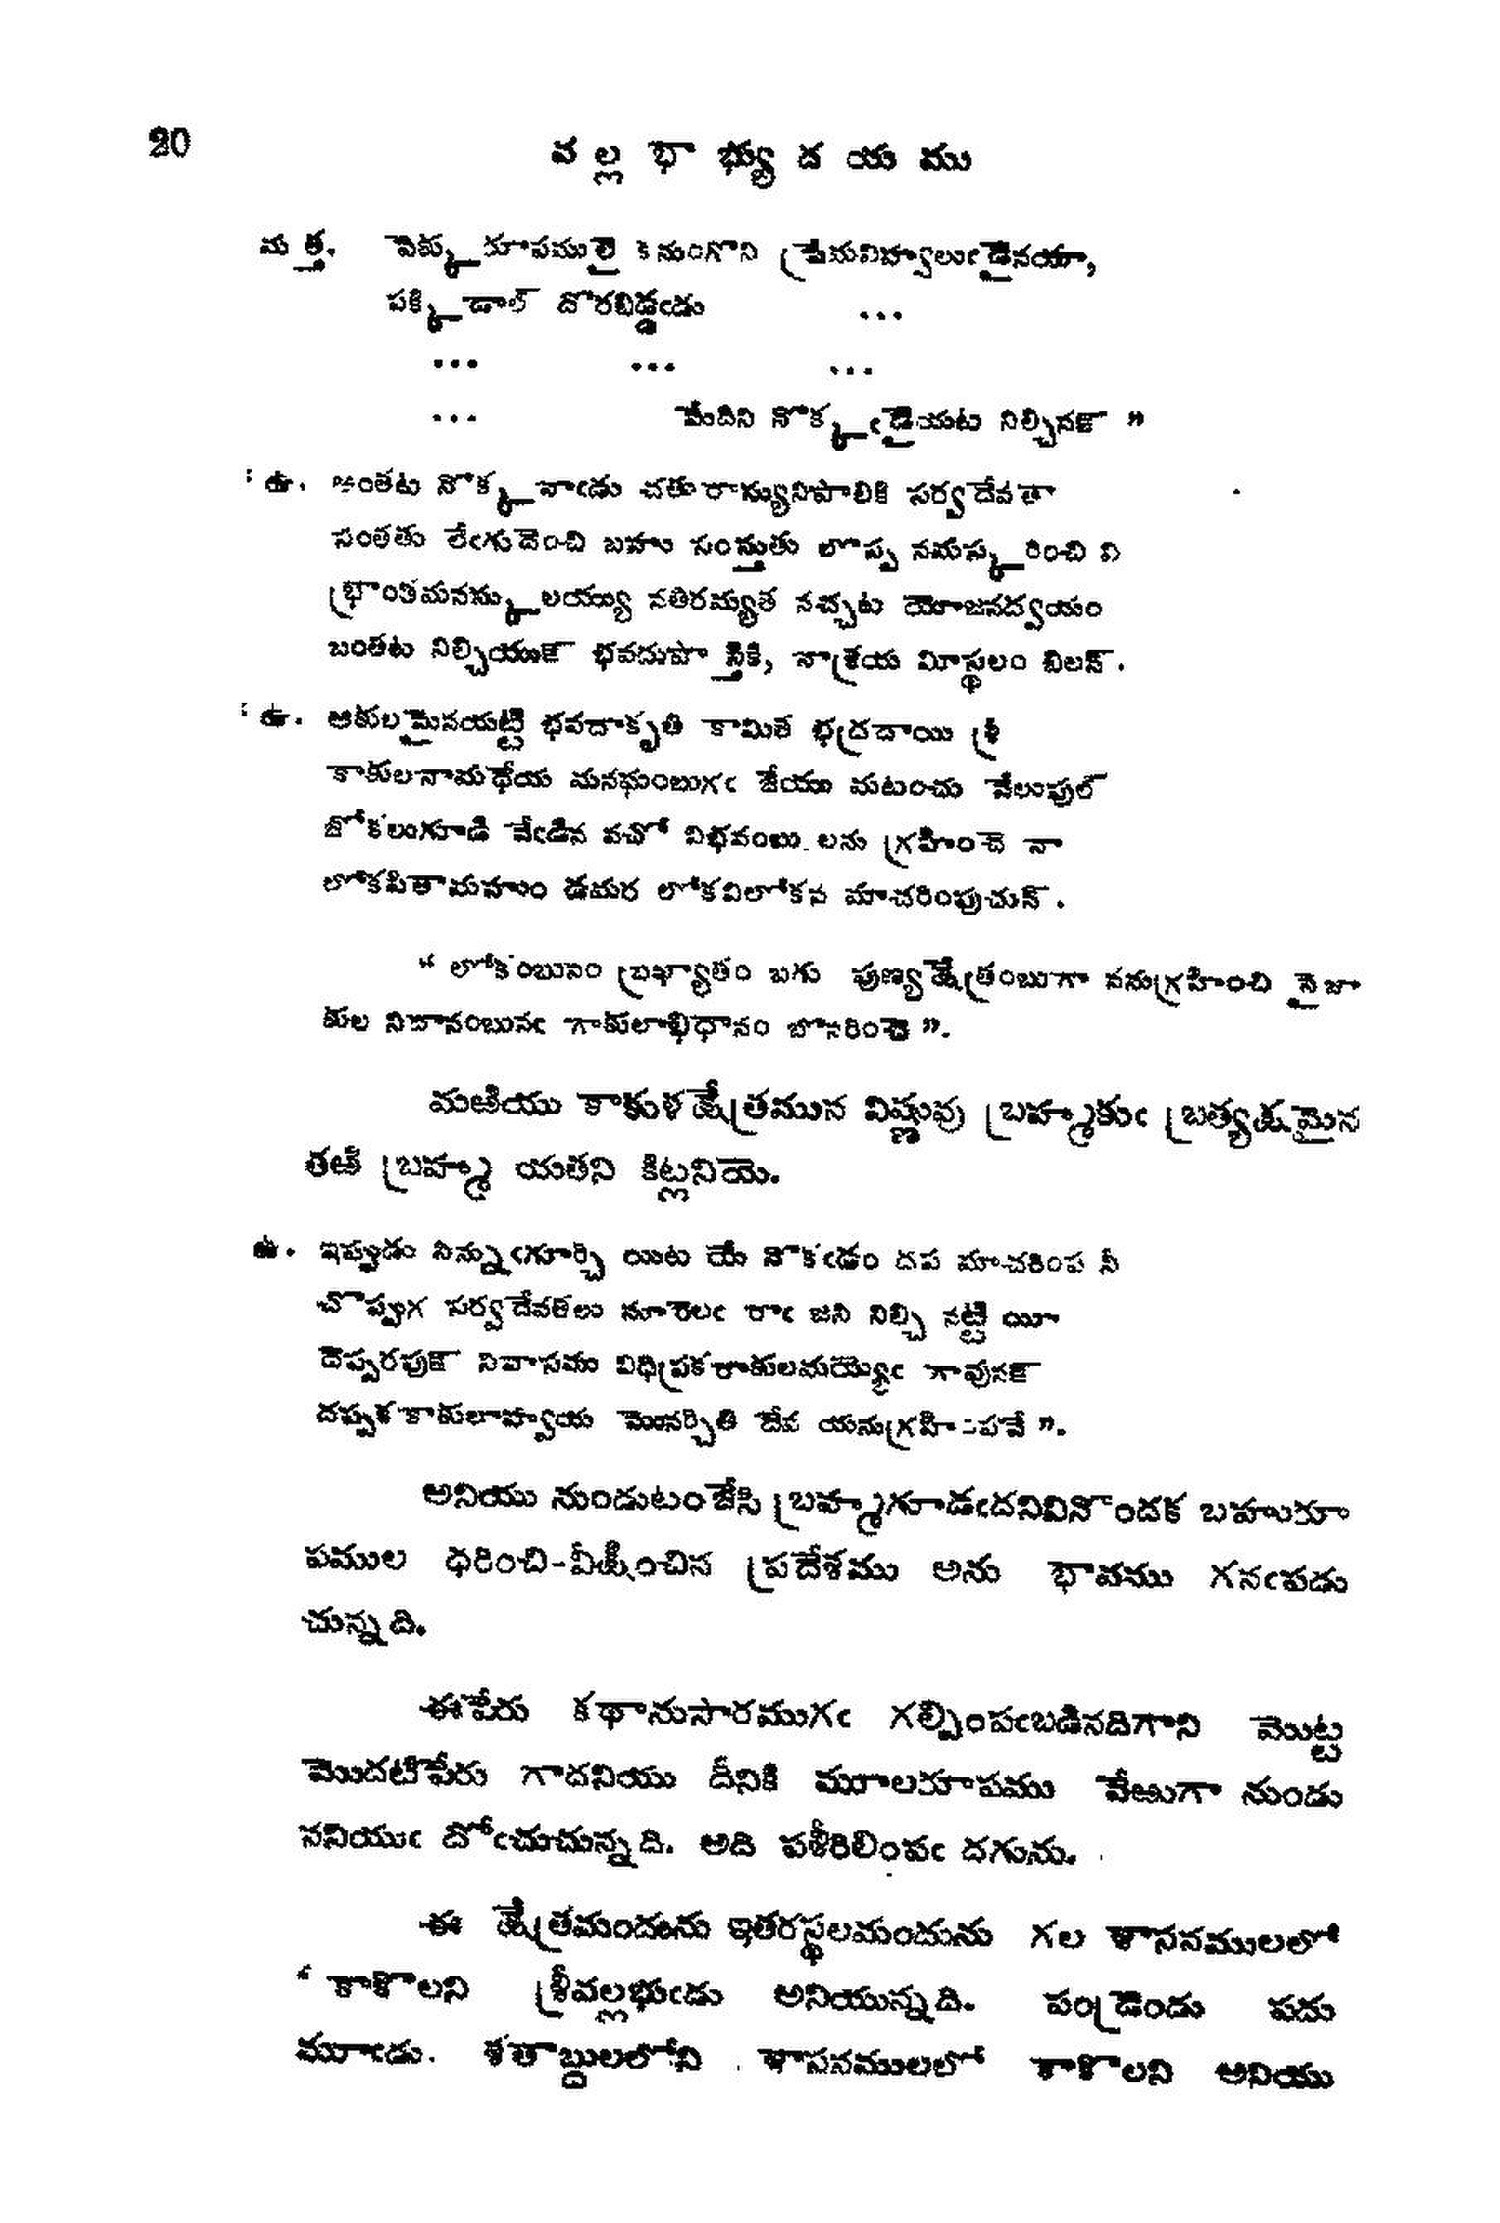మత్త. పెక్కు రూపములై కనుంగొని ప్రేమవిహ్వలుఁడైనయా,
పక్కి డాల్ దొరబిడ్డఁడు ......
....................
........................మేదిని నొక్కడైయట నిల్చినన్ "

ఉ. అంతట నొక్క వాడు చతురాస్యునిపాలికి సర్వదేవతా
సంతతు లేఁగుదెంచి బహు సంస్తుతు లొప్ప నమస్కరించి వి
భ్రాంతమనస్కు లయ్యు నతిరమ్యత నచ్చట యోజనద్వయం
బంతట నిల్చియున్ భవదుపాస్తికి, నాశ్రయ మాస్థలం బిలన్.

ఉ. ఆకులమైనయట్టి భవదాకృతి కామితే భద్రదాయి శ్రీ
కాకులనామధేయ మనఘంబుగఁ జేయు మటంచు వేలుపుల్
జోకలుగూడి వేఁడిన వచో విభవంబు లను గ్రహించె నా
లోకపితామహుం డమర లోకవిలోకన మాచరింపుచున్.

" లోకంబునం బ్రఖ్యాతం బగు పుణ్య క్షేత్రంబుగా ననుగ్రహించి నైజా
కుల నిజానంబునఁ గాక లాలిధానం బొనరించె ".

మఱియు కాకుళ క్షేత్రమున విష్ణువు బ్రహ్మకుఁ బ్రత్యక్షమైన తఱి బ్రహ్మ యతని కిట్లనియె.

ఉ. ఇప్పుడు నిన్నుఁ గూర్చి యిట యే నొకఁడం దప మాచరింప నీ
చొప్పున సర్వదేవతలు నూరెలఁ రాఁ జని నిల్చి నట్టి యీ
దెప్పరపు నివాసము విధిప్రకరాకులమయ్యెఁ గావునన్
దప్పక కాకులాహ్వయ మొనర్చితి దేవ యనుగ్రహింపవే ".

అనియు నుండుటంజేసి బ్రహ్మగూడఁదనివినొందక బహురూపముల ధరించి వీక్షించిన ప్రదేశము అను భావము గనఁపడు
చున్నది.

ఈపేరు కథానుసారముగఁ గల్పింపఁబడినదిగాని మొట్టమొదటిపేరు గాదనియు దీనికి మూలరూపము వేఱుగా నుండు
ననియుఁ దోఁచుచున్నది. అది పశీరిలింపఁ దగును.

ఈ క్షేత్రమందును ఇతరస్థలమందును గల శాసనములలో “కాకొలని శ్రీవల్లభుఁడు అనియున్నది. పండ్రెండు పదు
మూఁడు. శతాబ్దులలోని శాసనములలో కాకొలని అనియు